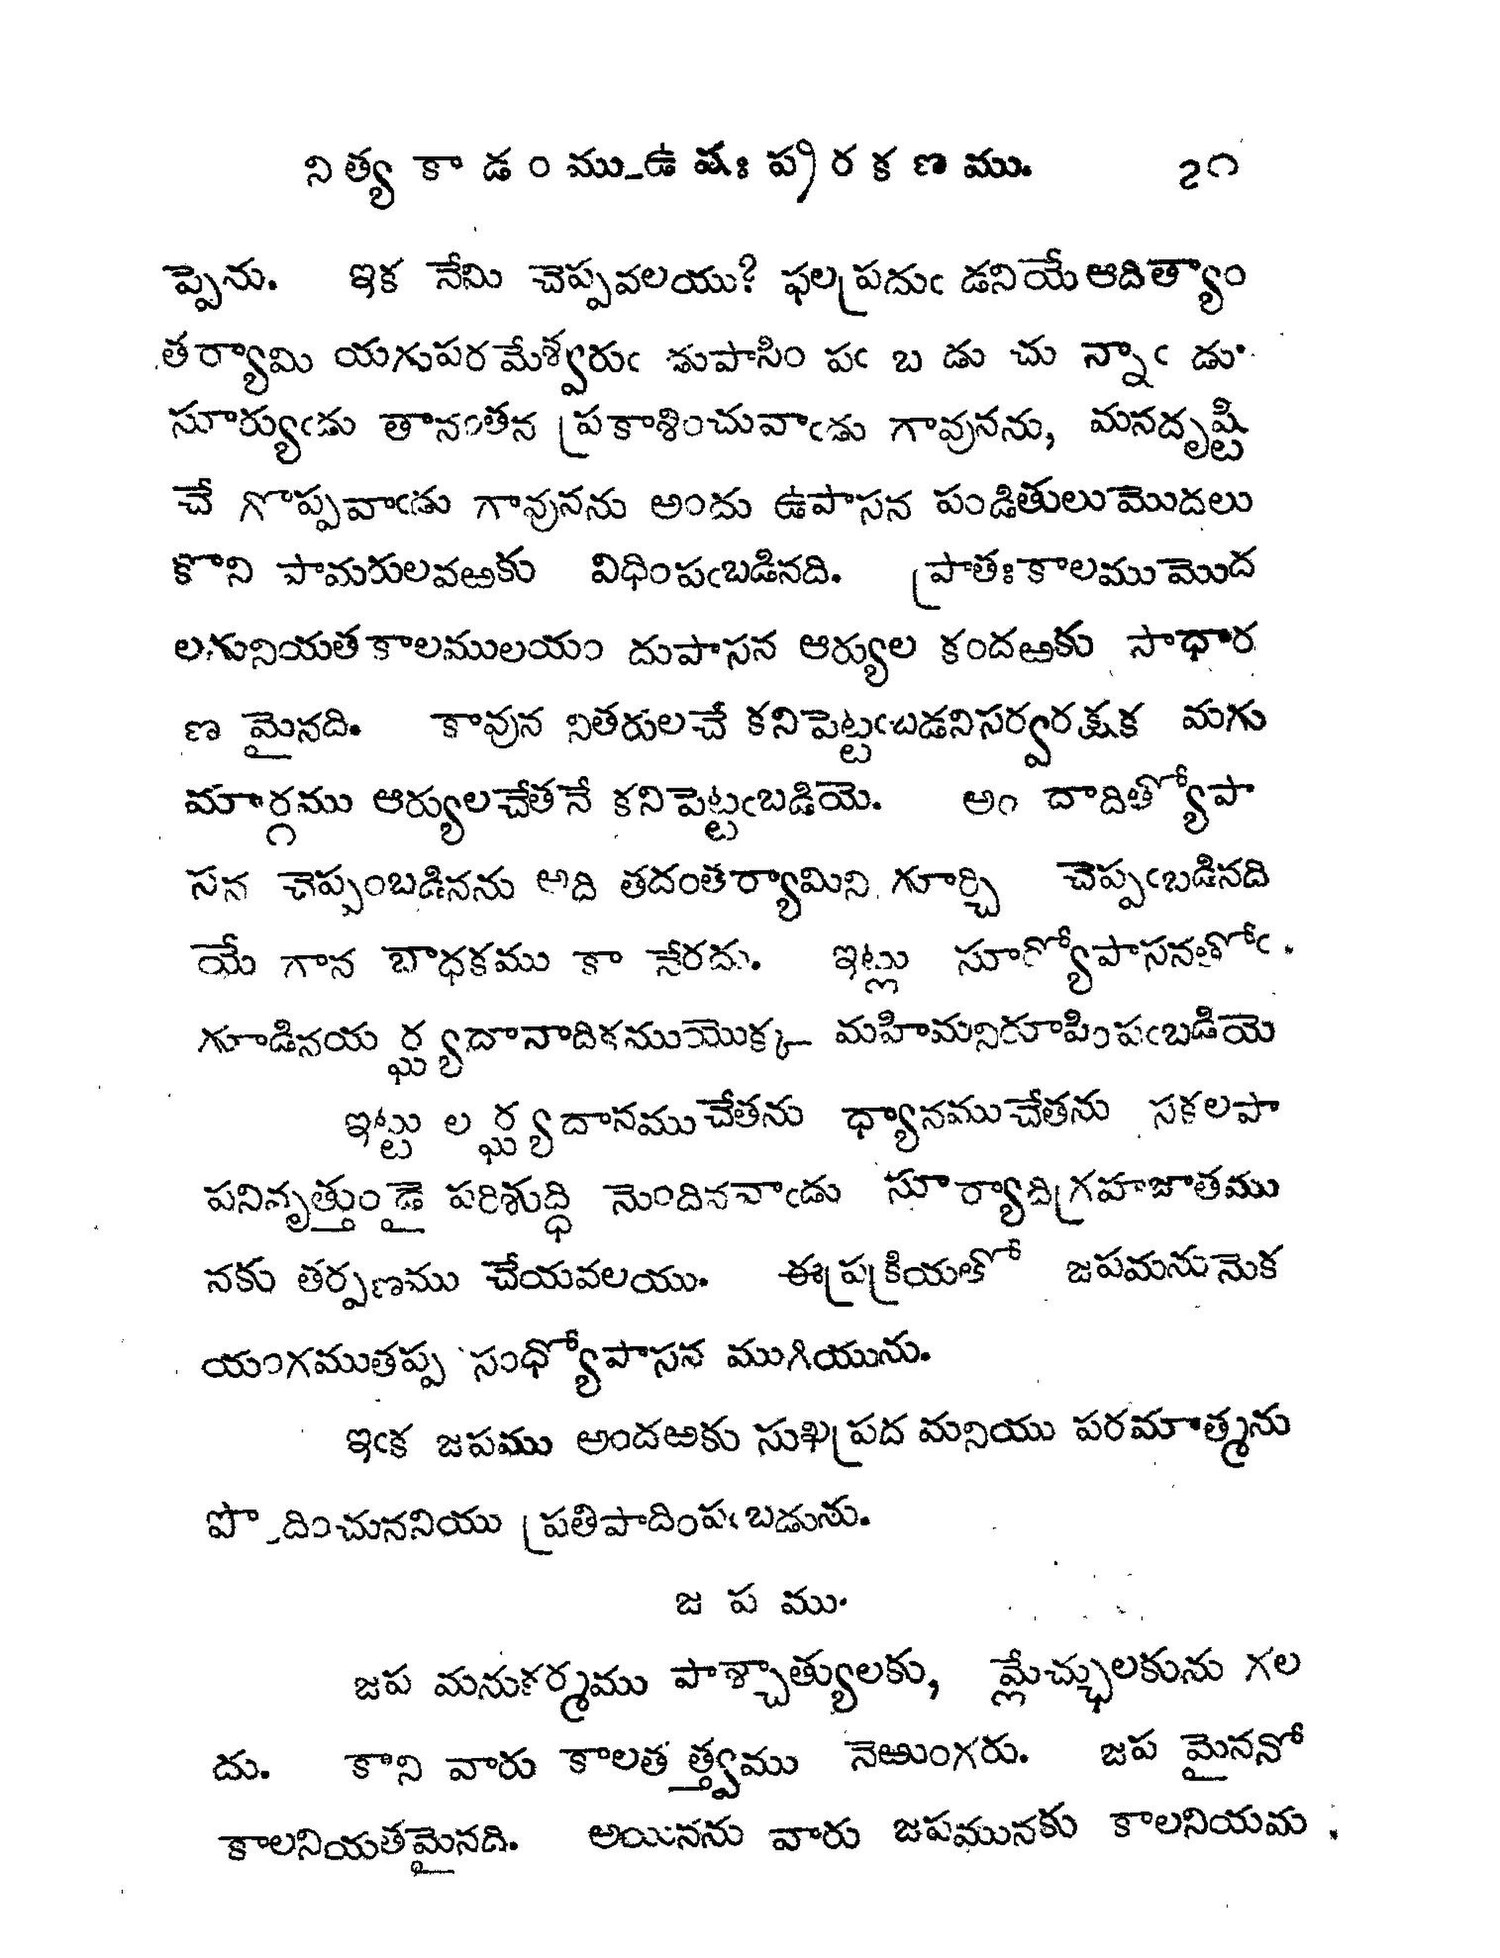ప్పెను. ఇక నేమి చెప్పవలయు? ఫలప్రదుఁ డనియే ఆదిత్యాంతర్యామి యగుపరమేశ్వరుఁ డుపాసింపఁ బడుచున్నాఁడు. సూర్యుఁడు తానంతన ప్రకాశించువాఁడు గావునను, మనదృష్టిచే గొప్పవాఁడు గావునను అందు ఉపాసన పండితులుమొదలుకొని పామరులవఱకు విధింపఁబడినది. ప్రాతఃకాలముమొదలగునియత కాలములయం దుపాసన ఆర్యుల కందఱకు సాధారణ మైనది. కావున నితరులచే కనిపెట్టఁబడనిసర్వరక్షక మగు
మార్గము ఆర్యులచేతనే కనిపెట్టఁబడియె. అం దాదిత్యోపాసన చెప్పంబడినను అది తదంతర్యామిని గూర్చి చెప్పఁబడినదియే గాన బాధకము కా నేరదు. ఇట్లు సూర్యోపాసనతోఁ గూడినయర్ఘ్యదానాదికముయొక్క మహిమనిరూపింపఁబడియె

ఇట్టు లర్ఘ్యదానముచేతను ధ్యానముచేతను సకలపాపనివృత్తుండై పరిశుద్ధి నొందినవాఁడు సూర్యాదిగ్రహజాతము
నకు తర్పణము చేయవలయు. ఈప్రక్రియతో జపమనునొక యంగముతప్ప సంధ్యోపాసన ముగియును.

ఇఁక జపము అందఱకు సుఖప్రద మనియు పరమాత్మను పొందించుననియు ప్రతిపాదింపఁబడును.

జప మనుకర్మము పాశ్చాత్యులకు, మ్లేచ్ఛులకును గలదు. కాని వారు కాలతత్త్వము నెఱుంగరు. జప మైననో కాలనియతమైనది. అయినను వారు జపమునకు కాలనియమ